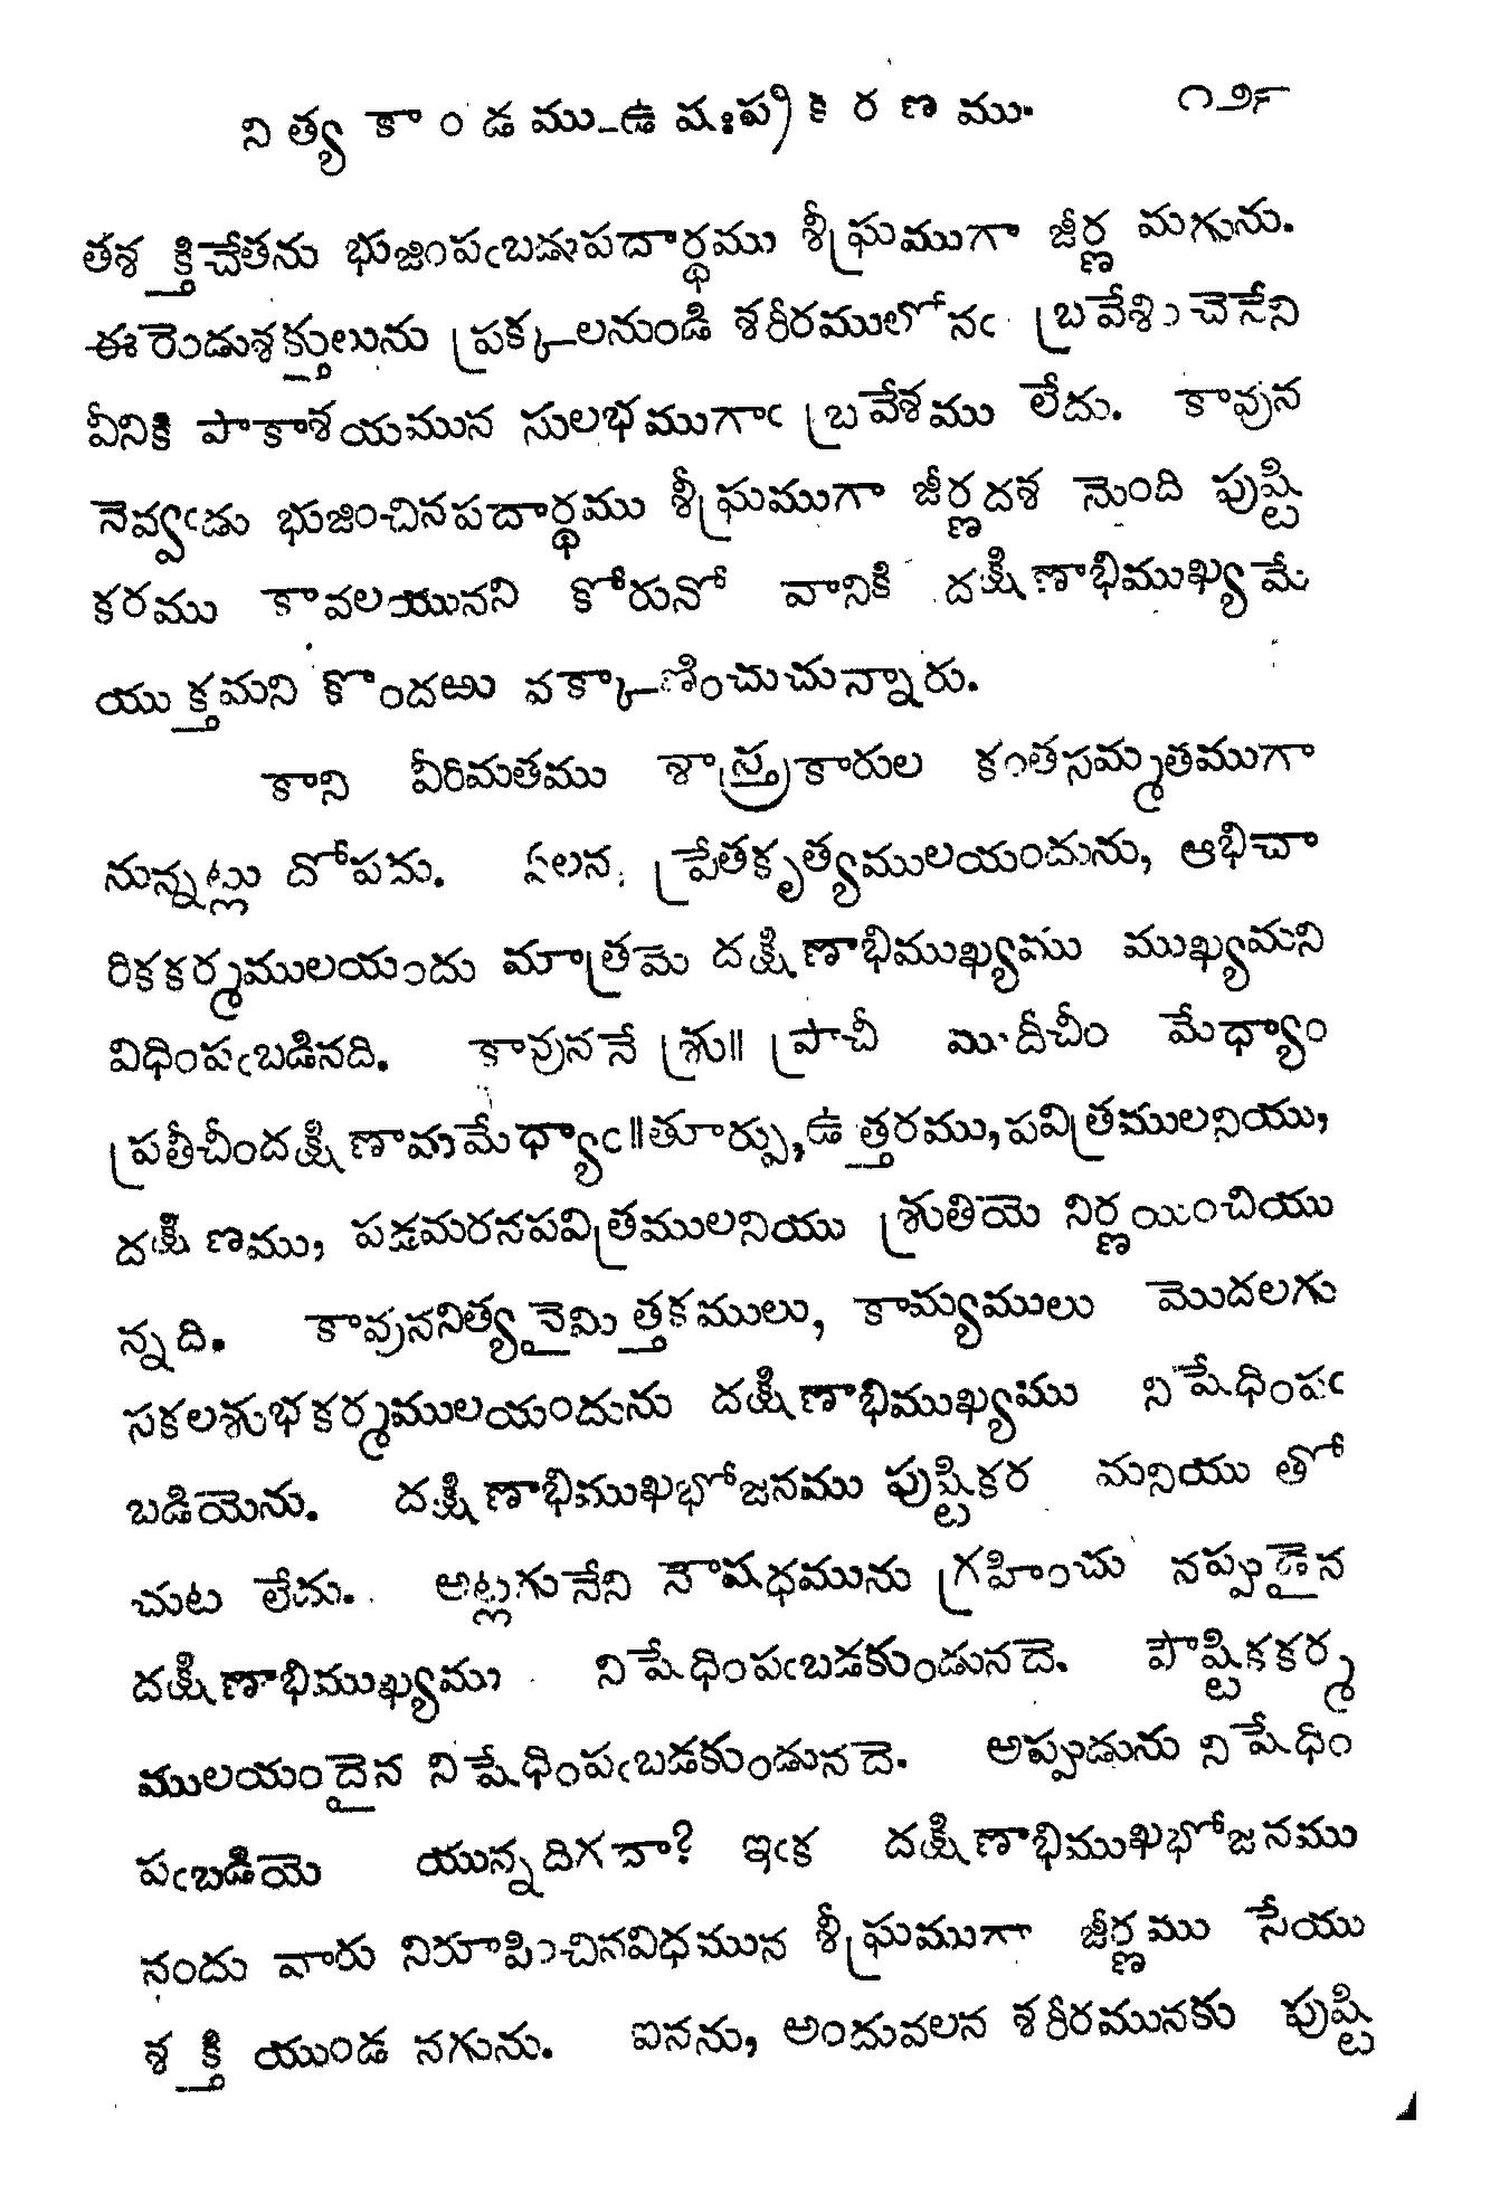తశక్తిచేతను భుజింపఁబడుపదార్థము శీఘ్రముగా జీర్ణ మగును. ఈరెండుశక్తులును ప్రక్కలనుండి శరీరములోనఁ బ్రవేశించెనేని వీనికి పాకాశయమున సులభముగాఁ బ్రవేశము లేదు. కావున నెవ్వఁడు భుజించినపదార్థము శీఘ్రముగా జీర్ణదశ నొంది పుష్టికరము కావలయునని కోరునో వానికి దక్షిణాభిముఖ్యమే
యుక్తమని కొందఱు వక్కాణించుచున్నారు.

కాని వీరిమతము శాస్త్రకారుల కంతసమ్మతముగా నున్నట్లు దోపదు. ఏలన, ప్రేతకృత్యములయందును, ఆభిచారికకర్మములయందు మాత్రమే దక్షిణాభిముఖ్యము ముఖ్యమని విధింపఁబడినది. కావుననే శ్రు॥ ప్రాచీ ముదీచీం మేధ్యాం ప్రతీచీందక్షిణామమేధ్యాం॥ తూర్పు, ఉత్తరము, పవిత్రములనియు, దక్షిణము, పడమరనపవిత్రములనియు శ్రుతియె నిర్ణయించియున్నది. కావుననిత్యనైమిత్తకములు, కామ్యములు మొదలగు సకలశుభకర్మములయందును దక్షిణాభిముఖ్యము నిషేధింపఁ బడియెను. దక్షిణాభిముఖభోజనము పుష్టికర మనియు తోచుట లేదు. అట్లగునేని నౌషధమును గ్రహించు నప్పుడైన దక్షిణాభిముఖ్యము నిషేధింపఁబడకుండునదె. పౌష్టికకర్మములయందైన నిషేధింపఁబడకుండునదె. అప్పుడును నిషేధింపఁబడియె యున్నదిగదా? ఇఁక దక్షిణాభిముఖభోజనము నందు వారు నిరూపించినవిధమున శీఘ్రముగా జీర్ణము సేయుశక్తి యుండ నగును. ఐనను, అందువలన శరీరమునకు పుష్టి